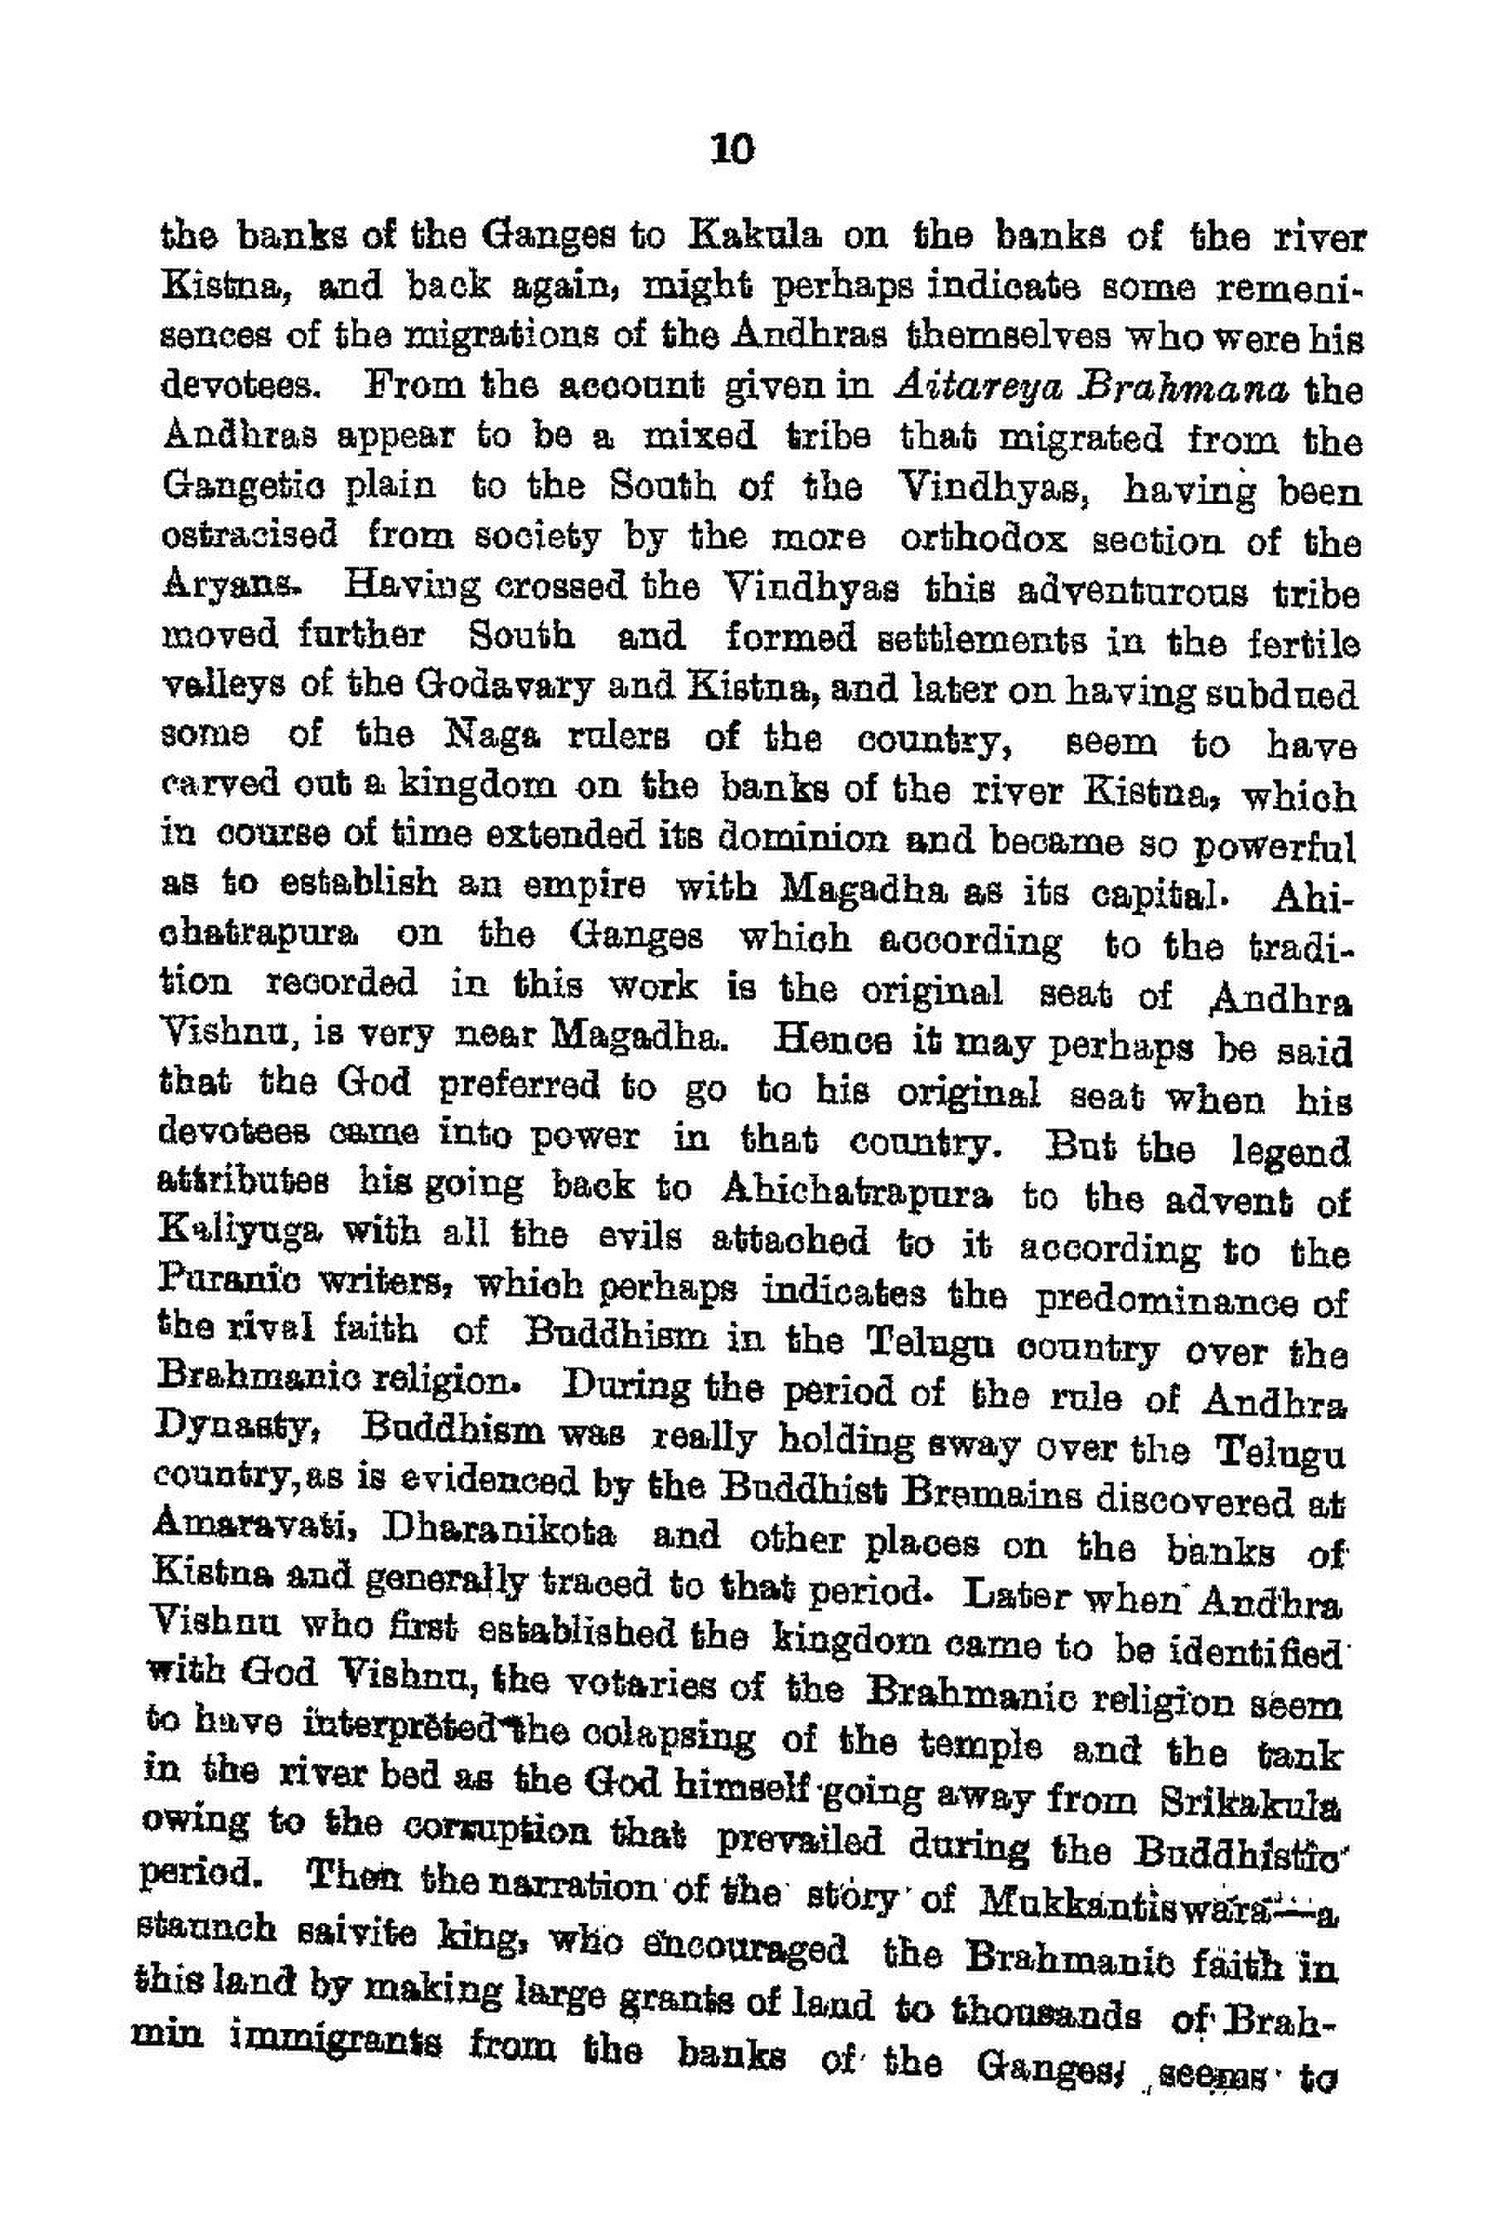the banks of the Ganges to Kakula on the banks of the river Kistna, and back again, might perhaps indicate some remenisences of the migrations of the Andhras themselves who were his devotees. From the account given in Aitareya Brahmana the Andhras appear to be a mixed tribe that migrated from the
Gangetic plain to the South of the Vindhyas, having been ostracised from society by the more orthodox section of the Aryans. Having crossed the Vindhyas this adventurous tribe moved further South and formed settlements in the fertile valleys of the Godavary and Kistna, and later on having subdued
some of the Naga rulers of the country, seem to have carved out a kingdom on the banks of the river Kistna, which in course of time extended its dominion and became so powerful as to establish an empire with Magadha as its capital. Ahichatrapura on the Ganges which according to the tradition recorded in this work is the original seat of Andhra Vishnu, is very near Magadha. Hence it may perhaps be said
that the God preferred to go to his original seat when hisdevotees came into power in that country. But the legend attributes his going back to Ahichatrapura to the advent of Kaliyuga with all the evils attached to it according to the Puranic writers, which perhaps indicates the predominance of the rival faith of Buddhism in the Telugu country over the Brahmanic religion. During the period of the rule of Andhra Dynasty, Buddhism was really holding sway over the Telugu country, as is evidenced by the Buddhist Bremains discovered at Amaravati, Dharanikota and other places on the banks of Kistna and generally traced to that period. Later when Andhra Vishnu who first established the kingdom came to be identified with God Vishnu, the votaries of the Brahmanic religion seem to have interpreted the colapsing of the temple and the tank in the river bed as the God himself going away from Srikakula
owing to the corruption that prevailed during the Buddhistic period. Then the narration of the story of Mukkantiswara a staunch saivite king, who encouraged the Brahmanit faith in this land by making large grants of land to thousands of Brahmin immigrants from the banks of the Ganges; seems to